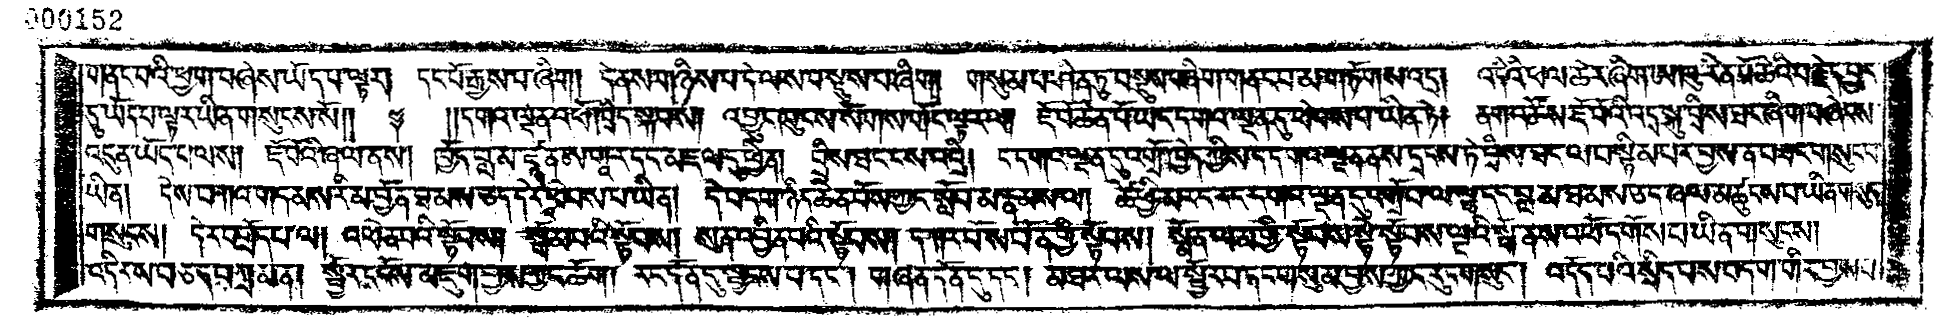གནང་བའི་ཕྱག་བཞེས་ཡོད་པ་ལྟར། དང་པོ་རྒྱས་པ་ཞིག །དེ་ནས་གཉིས་པ་དེ་ལས་བསྡུས་པ་ཞིག །གསུམ་པ་ཤིན་ཏུ་བསྡུས་པ་ཞིག་གནང་བ་མ་གཏོགས་འདྲ། འདིའི་ཕལ་ཆེར་ཞིག་ཨ་ཁུ་རིན་པོ་ཆེའི་བརྗེད་བྱང་
དུ་ཡོད་པ་ལྟར་ཡིན་གསུངས་སོ།། ༈ །།དགའ་ལྡན་འཕོ་ཁྲིད་སྐབས། འབྱུང་ཁུངས་སོགས་གོང་ལྟར་ལ། ཇོ་བོ་ཆེན་པོ་ཡང་དགའ་ལྡན་དུ་ཕེབས་པ་ཡིན་ཏེ། ནག་འཚོས་ཇོ་བོའི་འདྲ་སྐུ་བྲིས་ཐང་ཞིག་བཞེངས་
འདུན་ཡོད་པ་ལས། ཇོ་བོའི་ཞལ་ནས། ཁྱོད་བླ་མ་ཛྙན་ཨ་གཱ་ར་དང་མཇལ་དུ་ཕྱིན། བྲིས་ཐང་ངས་འབྲི། ང་དགའ་ལྡན་དུ་འགྲོ་ཁྱེད་ཀྱིས་ད་དགའ་ལྡན་ནས་དྲངས་ཏེ་བྲིས་ཐང་ལ་བསྟིམ་པར་བྱས་ན་བཟང་གསུང་བ་
ཡིན། དེས་བཀའ་གདམས་རིམ་བྱོན་ཐམས་ཅད་དེར་འཕེབས་པ་ཡིན། དེ་བདག་ཉིད་ཆེན་པོས་ཀྱང་སློབ་མ་རྣམས་ལ། ཚེ་ཕྱི་མར་ང་རང་དགའ་ལྡན་དུ་འགྲོ་བ་ལ་ལྷ་དང་བླ་མ་ཐམས་ཅད་ཞལ་མཚུངས་པ་ཡིན་གསུང་
གསུངས། དེར་བགྲོད་པ་ལ། འཕེན་པའི་སྟོབས། སྒོམ་པའི་སྟོབས། སུན་འབྱིན་པའི་སྟོབས། དཀར་པོ་ས་བོན་གྱི་སྟོབས། སྨོན་ལམ་གྱི་སྟོབས་སྟེ་སྟོབས་ལྔའི་སྒོ་ནས་འཕོ་དགོས་པ་ཡིན་གསུངས།
འདིར་ས་བཅད་བཀྲམ་ན། སྦྱོར་དངོས་མཇུག་བྱས་ཀྱང་ཆོག །རང་དོན་དུ་སྦྱངས་པ་དང་། གཞན་དོན་དུ་དང་། མཐར་ལས་ལ་སྦྱོར་བ་དང་གསུམ་བྱས་ཀྱང་རུང་གསུང་། འདོད་པའི་སྲིད་པས་བདག་གིར་བྱས་པ་